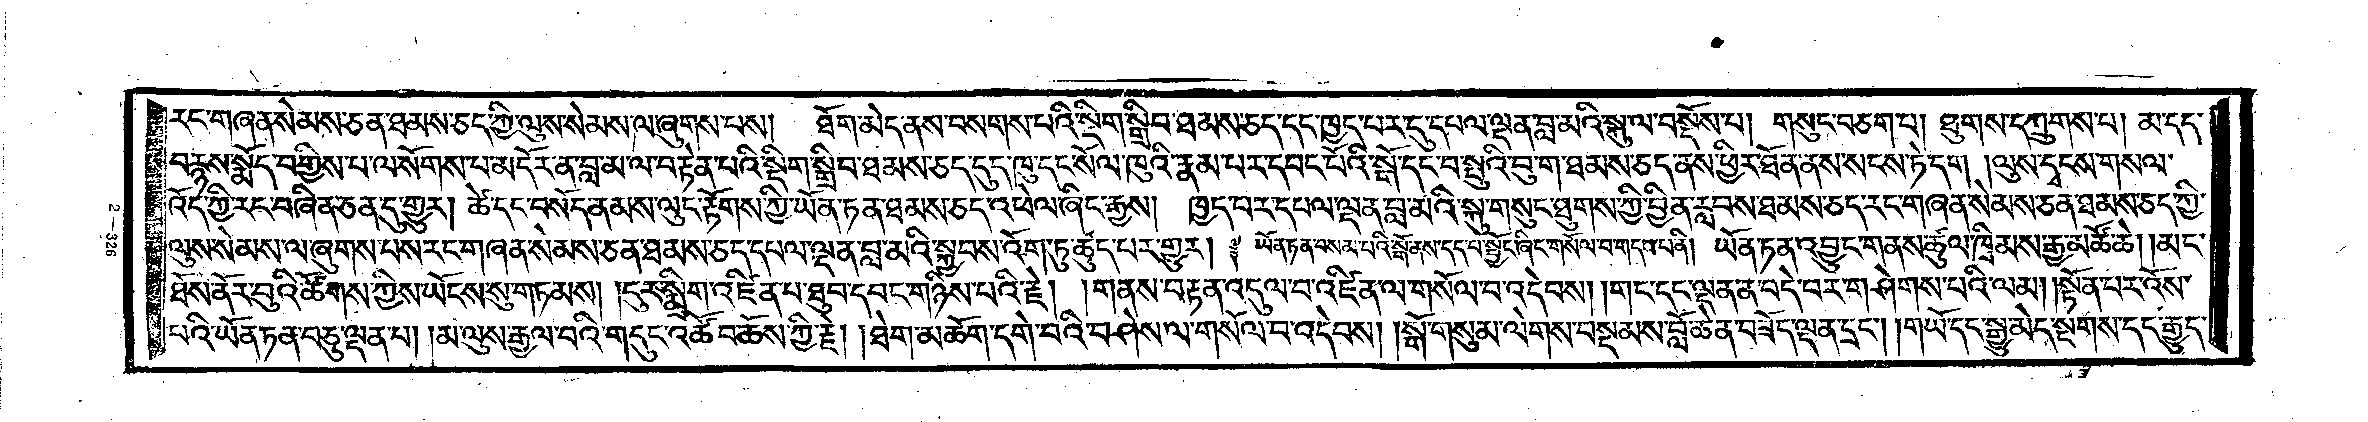རང་གཞན་སེམས་ཅན་ཐམས་ཅད་ཀྱི་ལུས་སེམས་ལ་ཞུགས་པས། ཐོག་མེད་ནས་བསགས་པའི་སྡིག་སྒྲིབ་ཐམས་ཅད་དང་ཁྱད་པར་དུ་དཔལ་ལྡན་བླ་མའི་སྐུ་ལ་བསྡོས་པ། གསུང་བཅག་པ། ཐུགས་དཀྲུགས་པ། མ་དད་
?་སྨོད་བགྱིས་པ་ལ་སོགས་པ་མདོར་ན་བླ་མ་ལ་བརྟེན་པའི་སྡིག་སྒྲིབ་ཐམས་ཅད་དུད་ཁུ་དང་སོལ་ཁུའི་རྣམ་པར་དབང་པོའི་སྒོ་དང་བ་སྤུའི་བུ་ག་ཐམས་ཅད་ནས་ཕྱིར་ཐོན་ནས་སངས་ཏེ་དག །ལུས་དྭངས་གསལ་
འོད་ཀྱི་རང་བཞིན་ཅན་དུ་གྱུར། ཚེ་དང་བསོད་ནམས་ལུང་རྟོགས་ཀྱི་ཡོན་ཏན་ཐམས་ཅད་འཕེལ་ཞིང་རྒྱས། ཁྱད་པར་དཔལ་ལྡན་བླ་མའི་སྐུ་གསུང་ཐུགས་ཀྱི་བྱིན་རླབས་ཐམས་ཅད་རང་གཞན་སེམས་ཅན་ཐམས་ཅད་ཀྱི་
ལུས་སེམས་ལ་ཞུགས་པས་རང་གཞན་སེམས་ཅན་ཐམས་ཅད་དཔལ་ལྡན་བླ་མའི་སྐྱབས་འོག་ཏུ་ཚུད་པར་གྱུར། ༈ ཡོན་ཏན་བསམ་པའི་སྒོ་ནས་དད་པ་སྤྱོང་ཞིང་གསོལ་བ་གདབ་པ་ནི།  ཡོན་ཏན་འབྱུང་གནས་ཚུལ་ཁྲིམས་རྒྱ་མཚོ་ཆེ། །མང་
ཐོས་ནོར་བུའི་ཚོགས་ཀྱིས་ཡོངས་སུ་གཏམས། །དུར་སྨྲིག་འཛིན་པ་ཐུབ་དབང་གཉིས་པའི་རྗེ། །གནས་བརྟན་འདུལ་བ་འཛིན་ལ་གསོལ་བ་འདེབས། །གང་དང་ལྡན་ན་བདེ་བར་གཤེགས་པའི་ལམ། །སྟོན་པར་འོས་
པའི་ཡོན་ཏན་བཅུ་ལྡན་པ། །མ་ལུས་རྒྱལ་བའི་གདུང་འཚོ་བ་ཆོས་ཀྱི་རྗེ། །ཐེག་མཆོག་དགེ་བའི་བཤེས་ལ་གསོལ་བ་འདེབས། །སྒོ་གསུམ་ལེགས་བསྡམས་བློ་ཆེན་བཟོད་ལྡན་དྲང་། །གཡོ་དང་སྒྱུ་མེད་སྔགས་དང་རྒྱུད་